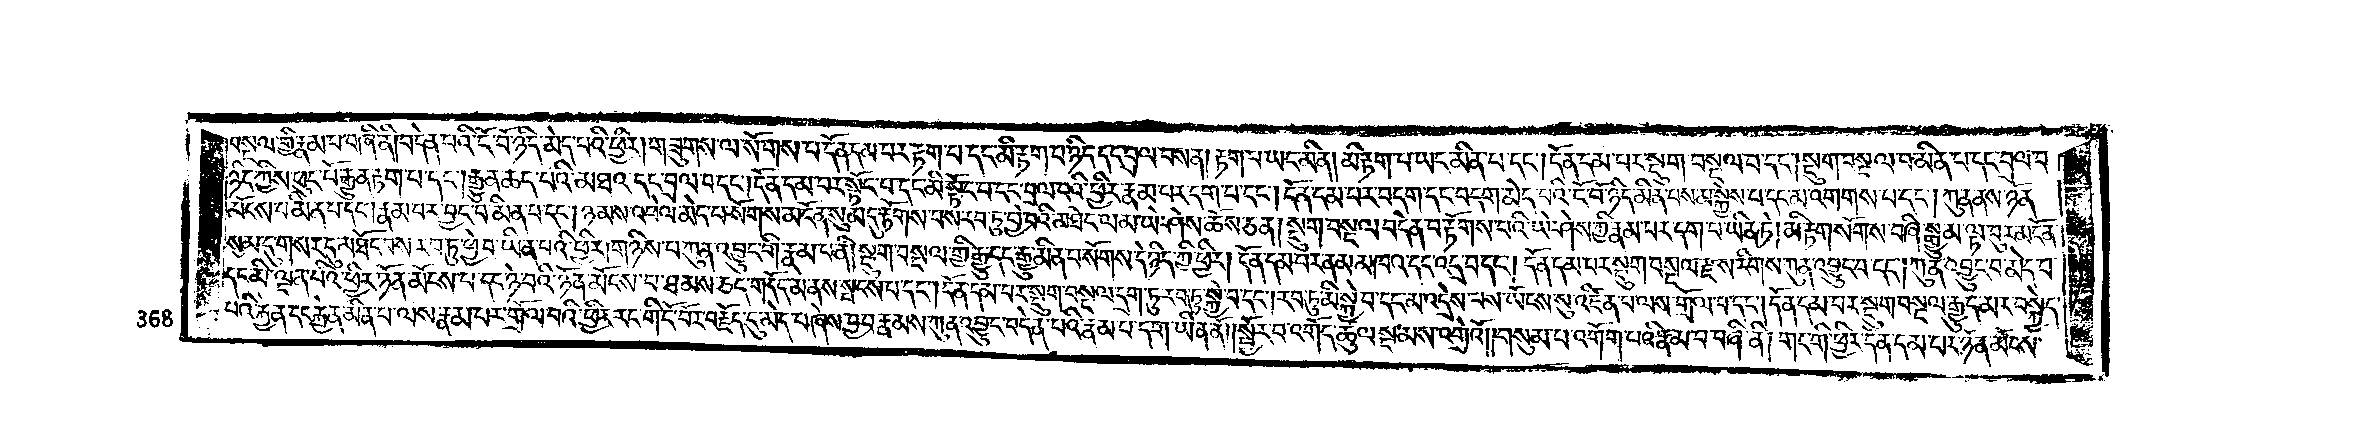བསྔལ་གྱི་རྣམ་པ་བཞི་ནི། བདེན་པའི་ངོ་བོ་ཉིད་མེད་པའི་ཕྱིར། གཟུགས་ལ་སོགས་པ་དོན་དམ་པར་རྟག་པ་དང་མི་རྟག་པ་ཉིད་དང་བྲལ་བས་ན། རྟག་པ་ཡང་མིན། མི་རྟག་པ་ཡང་མིན་པ་དང་། དོན་དམ་པར་སྡུག་བསྔལ་བ་དང་། སྡུག་བསྔལ་བ་མིན་པ་དང་བྲལ་བ་
ཉིད་ཀྱིས་ཕུང་པོ་རྒྱུན་རྟག་པ་དང་། རྒྱུན་ཆད་པའི་མཐའ་དང་བྲལ་བ་དང་། དོན་དམ་པར་སྟོང་པ་དང་མི་སྟོང་པ་དང་བྲལ་བའི་ཕྱིར་རྣམ་པར་དག་པ་དང་། དོན་དམ་པར་བདག་དང་བདག་མེད་པའི་ངོ་བོ་ཉིད་མིན་པས་མ་སྐྱེས་པ་དང་མ་འགགས་པ་དང་། ཀུན་ནས་ཉོན་
མོངས་པ་མིན་པ་དང་། རྣམ་པར་བྱང་བ་མིན་པ་དང་། ཉམས་འཕེལ་མེད་པ་སོགས་མངོན་སུམ་དུ་རྟོགས་པས་རབ་ཏུ་ཕྱེ་བའི་མཐོང་ལམ་ཡེ་ཤེས་ཆོས་ཅན། སྡུག་བསྔལ་བདེན་པ་རྟོགས་པའི་ཡེ་ཤེས་ཀྱི་རྣམ་པར་དག་པ་ཡིན་ཏེ། མི་རྟག་སོགས་བཞི་སྒྱུ་མ་ལྟ་བུར་མངོན་
སུམ་དུ་གསར་དུ་མཐོང་བས་རབ་ཏུ་ཕྱེ་བ་ཡིན་པའི་ཕྱིར། གཉིས་པ་ཀུན་འབྱུང་གི་རྣམ་པ་ནི། སྡུག་བསྔལ་གྱི་རྒྱུ་དང་རྒྱུ་མིན་པ་སོགས་དེ་ཉིད་ཀྱི་ཕྱིར། དོན་དམ་པར་ནམ་མཁའ་དང་འདྲ་བ་དང་། དོན་དམ་པར་སྡུག་བསྔལ་རྫས་རིགས་ཀུན་འབྱུང་བ་དང་། ཀུན་འབྱུང་བ་མེད་པ་
དང་མི་ལྡན་པའི་ཕྱིར་ཉོན་མོངས་པ་དང་ཉེ་བའི་ཉོན་མོངས་པ་ཐམས་ཅད་གདོད་མ་ནས་སྤངས་པ་དང་། དོན་དམ་པར་སྡུག་བསྔལ་དྲག་ཏུ་རབ་ཏུ་སྐྱེ་བ་དང་། རབ་ཏུ་མི་སྐྱེ་བ་དང་མ་འདྲེས་པས་ཡོངས་སུ་འཛིན་པ་ལས་གྲོལ་བ་དང་། དོན་དམ་པར་སྡུག་བསྔལ་རྒྱུད་མར་བསྐྱེད་
པའི་རྐྱེན་དང་རྐྱེན་མིན་པ་ལས་རྣམ་པར་གྲོལ་བའི་ཕྱིར་རང་གི་ངོ་བོར་བརྗོད་དུ་མེད་པ་ཞེས་བྱ་བ་རྣམས་ཀུན་འབྱུང་བདེན་པའི་རྣམ་པ་དག་ཡིན་ནོ། །སྦྱོར་བ་འགོད་ཚུལ་སྔ་མས་འགྲེའོ། །གསུམ་པ་འགོག་པའི་རྣམ་པ་བཞི་ནི། གང་གི་ཕྱིར་དོན་དམ་པར་ཉོན་མོངས་